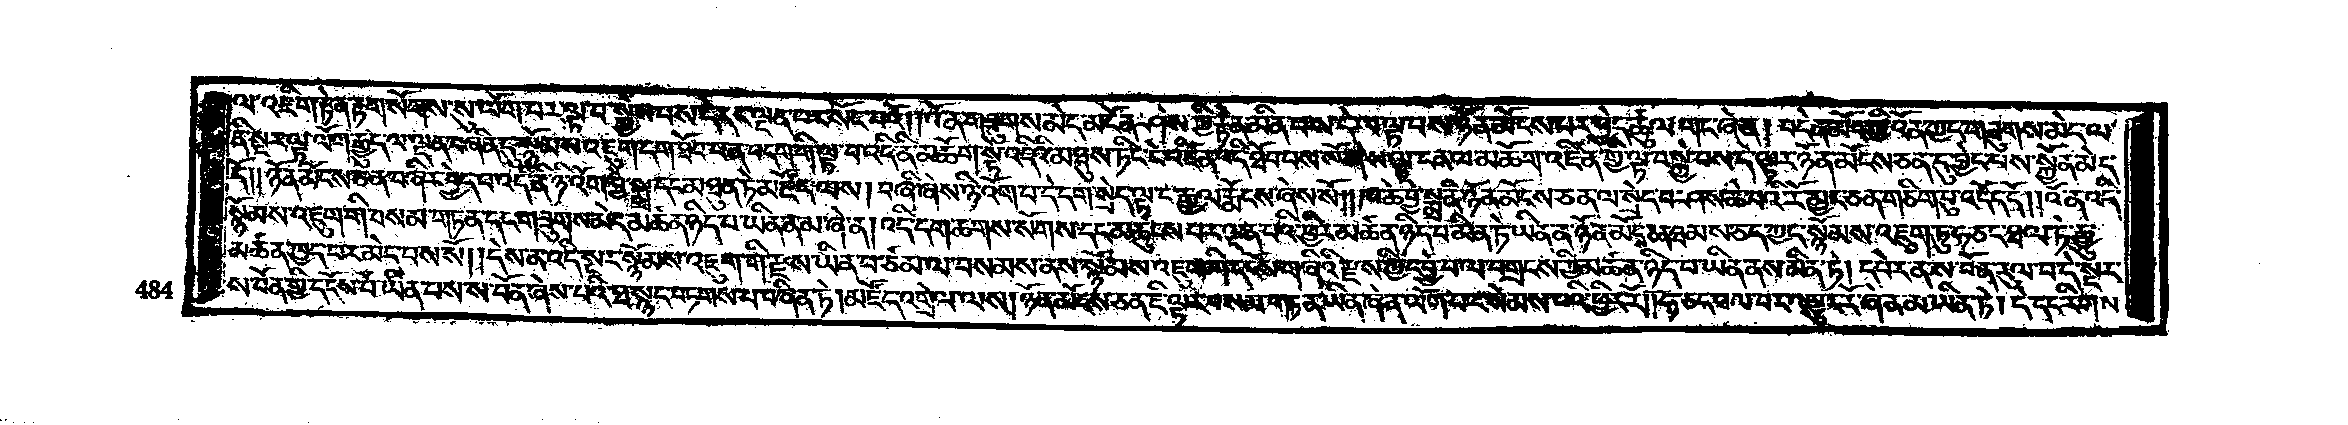ལ་འཇིག་རྟེན་རྟག་སོགས་སུ་ལོག་པར་ལྟ་བ་སྐྱེས་པས་དེ་དང་ལྡན་པར་སོང་བའོ། །འོ་ན་གཟུགས་མེད་མངོན་ཤེས་ཀྱི་རྟེན་མིན་པས་དེ་ལ་ལྟ་བས་ཉོན་མོངས་པར་བྱེད་ཚུལ་གང་ཞེ་ན། བདེན་མོད་ཀྱི་འོན་ཀྱང་གཟུགས་མེད་ལ་
ནི་སྔར་ལྟ་ལོག་རྒྱུད་ལ་ལྡན་བཞིན་དུ་སྙོམས་འཇུག་དག་ཐོབ་པ་ན་བདག་གི་ལྟ་བ་འདི་ནི་མཆོག་སྟེ་འདིའི་མཐུས་ཏིང་ངེ་འཛིན་འདི་ཐོབ་པས་སོ་ཞེས་ལྟ་ངན་ལ་མཆོག་འཛིན་གྱི་ལྟ་བ་སྐྱེ་བས་དེ་ལྟར་ཉོན་མོངས་ཅན་དུ་བྱེད་པས་སྐྱོན་མེད་
དོ། །ཉོན་མོངས་ཅན་བཞིར་བྱེད་པ་འདི་ནི་ཉི་འོག་བྱེ་སྨྲ་དང་མཐུན་ཏེ་མཛོད་ལས། བཞི་ཞེས་ཉི་འོག་པ་དེ་དག་སྲེད་ལྟ་ང་རྒྱལ་རྨོངས་ཞེས་སོ། །ཁ་ཆེ་བྱེ་སྨྲ་ནི་ཉོན་མོངས་ཅན་ལ་སྲེད་པ་ཤས་ཆེ་བའི་རོ་མྱང་ཅན་གཅིག་པུ་འདོད་དོ། །འོ་ན་འདི་
སྙོམས་འཇུག་གི་བསམ་གཏན་དང་གཟུགས་མེད་མཚན་ཉིད་པ་ཡིན་ན་མ་ཞེ་ན། འདི་དག་ཆགས་སོགས་དང་མཚུངས་པར་ལྡན་པའི་ཕྱིར་མཚན་ཉིད་པ་མིན་ཏེ་ཡིན་ན་ཉོན་མོངས་ཅན་ཐམས་ཅད་ཀྱང་སྙོམས་འཇུག་ཏུ་ཧ་ཅང་ཐལ་ཏེ་རྒྱུ་
མཚན་ཁྱད་པར་མེད་པས་སོ། །དེས་ན་འདི་སྔར་སྙོམས་འཇུག་གི་རྫས་ཡིན་པ་ཙམ་ལ་བསམས་ནས་སྙོམས་འཇུག་གི་དངོས་གཞིའི་རྫས་ཀྱི་དབྱེ་བ་ལ་བགྲངས་ཀྱི་མཚན་ཉིད་པ་ཡིན་ནས་མིན་ཏེ། དཔེར་ན་ས་བོན་རུལ་བ་དེ་སྔར་
ས་བོན་གྱི་དངོས་པོ་ཡིན་པས་ས་བོན་ཞེས་པའི་ཐ་སྙད་བཏགས་པ་བཞིན་ཏེ། མཛོད་འགྲེལ་ལས། ཉོན་མོངས་ཅན་ཇི་ལྟར་བསམ་གཏན་ཡིན་ཞེ་ན་ལོག་པར་སེམས་པའི་ཕྱིར་རོ། །ཧ་ཅང་ཐལ་བར་འགྱུར་རོ་ཞེ་ན་མ་ཡིན་ཏེ། དེ་དང་རིགས་